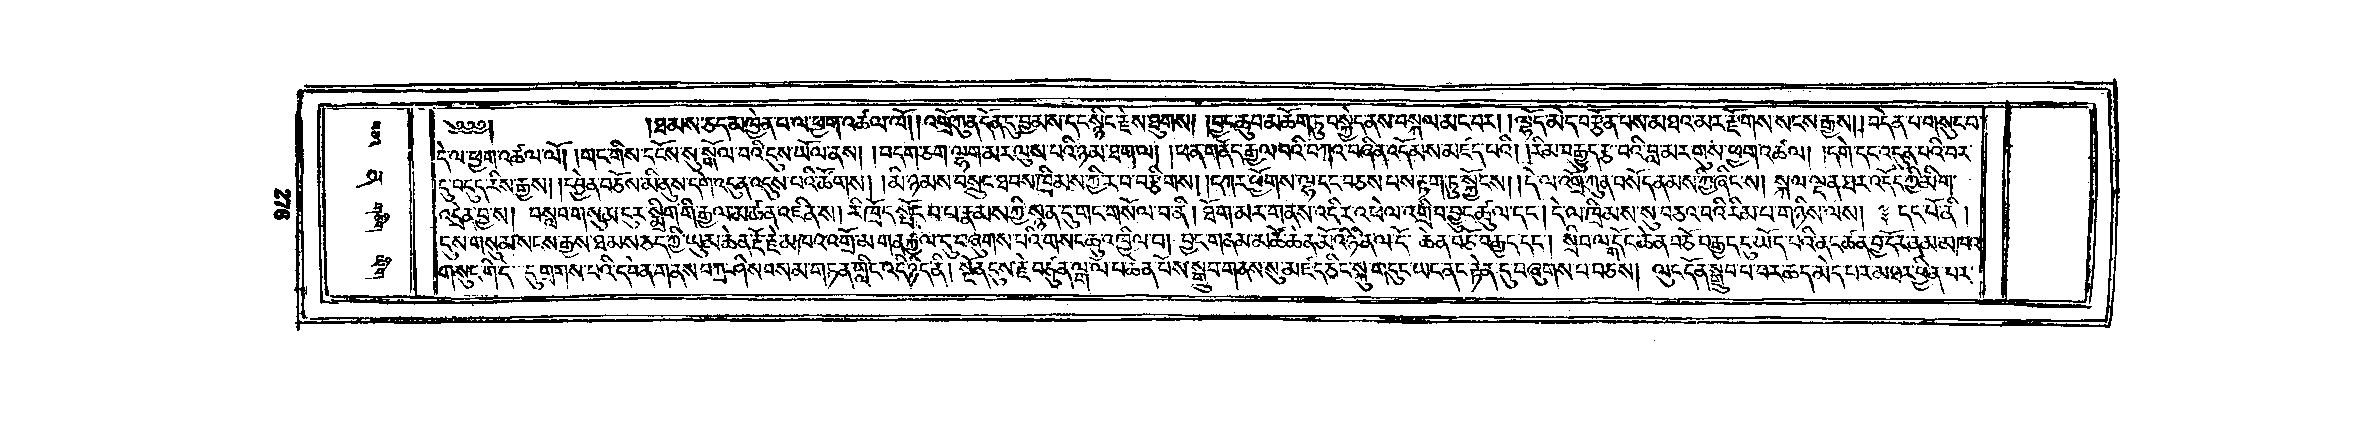༄༅༅། །ཐམས་ཅད་མཁྱེན་པ་ལ་ཕྱག་འཚལ་ལོ། །འགྲོ་ཀུན་དོན་དུ་བྱམས་དང་སྙིང་རྗེས་ཐུགས། །བྱང་ཆུབ་མཆོག་ཏུ་བསྐྱེད་ནས་བསྐལ་མང་བར། །ལྷོད་མེད་བརྩོན་པས་མཐའ་མར་རྫོགས་སངས་རྒྱས། །བདེན་པ་གསུང་བ་
དེ་ལ་ཕྱག་འཚལ་ལོ། །གང་གིས་དངོས་སུ་སྒོལ་བའི་དུས་ཡོལ་ནས། །བདག་ཅག་ལྷག་མར་ལུས་པའི་ཉམ་ཐག་ལ། །ཕན་གནོད་རྒྱལ་བའི་བཀའ་བཞིན་འདོམས་མཛད་པའི། །རིམ་བརྒྱུད་རྩ་བའི་བླ་མར་གུས་ཕྱག་འཚལ། །དགེ་དང་འདུན་པའི་བར་
དུ་བདུད་རིས་རྒྱས། །དབྱེན་བཅོས་མི་ནུས་དགེ་འདུན་འདུས་པའི་ཚོགས། །མི་ཉམས་བསྲུང་ཐབས་ཁྲིམས་ཀྱི་ར་བ་བརྩིགས། །དཀར་ཕྱོགས་ལྷ་དང་བཅས་པས་རྟག་ཏུ་སྐྱོངས། །དེ་ལ་འགྲོ་ཀུན་བསོད་ནམས་ཀྱི་ཞིང་ས། སྐལ་ལྡན་ཐར་འདོད་ཀྱི་མིག་
འདྲེན་བྱ་ས། བསླབ་གསུམ་ངུར་སྨྲིག་གི་རྒྱལ་མཚན་འཛིན་ས། རི་ཁྲོད་སྤོང་བ་པ་རྣམས་ཀྱི་སྙན་དུ་གང་གསོལ་བ་ནི། ཐོག་མར་གནས་འདིར་འཕེལ་འགྲིབ་བྱུང་ཚུལ་དང་། དེ་ལ་ཁྲིམས་སུ་བཅའ་བའི་རིམ་པ་གཉིས་ལས། ༈ དང་པོ་ནི།
དུས་གསུམ་སངས་རྒྱས་ཐམས་ཅད་ཀྱི་ཡུམ་ཆེན་རྡོ་རྗེ་མཁའ་འགྲོ་མ་གན་རྒྱལ་དུ་བཞུགས་པའི་གསང་ཆུ་འཁྱིལ་བ། བྱང་གནམ་མཚོ་ཆེན་མོའི་ཉིན་ལ་དོ་ཆེན་བཅོ་བརྒྱད་དང་། སྲིབ་ལ་གདོང་ཆེན་བཅོ་བརྒྱད་དུ་ཡོད་པའི་ནང་ཚན་བྱ་དོར་ནམ་མཁའ་
གསུང་གི་དེ་དུ་གྲགས་པའི་དབེན་གནས་བཀྲ་ཤིས་བསམ་གཏན་གླིང་འདི་ཉིད་ནི། སྔོན་དུས་རྗེ་བཙུན་ལྒ་ལོ་པ་ཆེན་པོས་སྒྲུབ་གནས་སུ་མཛད་ཅིང་སྐུ་གདུང་ཡང་ནང་རྟེན་དུ་བཞུགས་པ་བཅས། ལུང་དོན་སྒྲུབ་པ་བར་ཆད་མེད་པར་མཐར་ཕྱིན་པར་